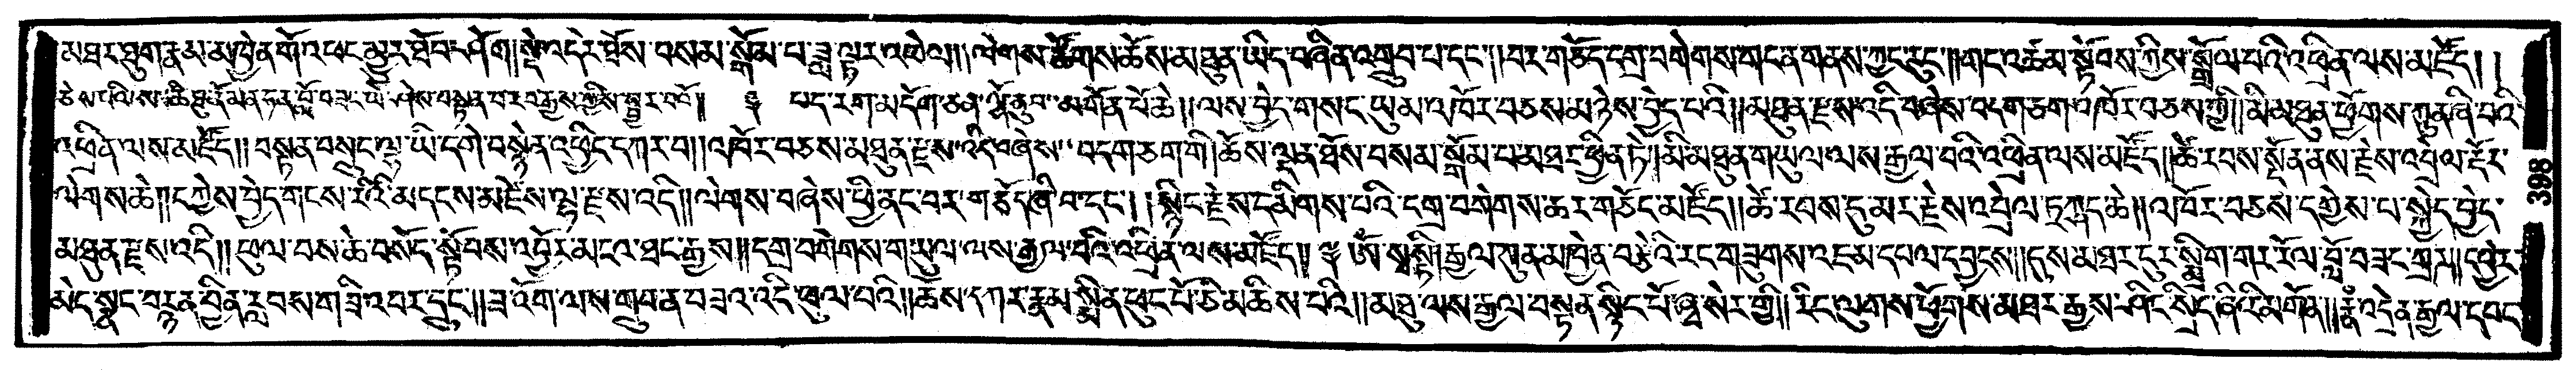མཐར་ཐུག་རྣམ་མཁྱེན་གོ་འཕང་མྱུར་ཐོབ་ཤོག །སྡེ་འདིར་ཐོས་བསམ་སྒོམ་པ་ཟླ་ལྟར་འཕེལ། །ལེགས་ཚོགས་ཆོས་མཐུན་ཡིད་བཞིན་འགྲུབ་པ་དང་། །བར་གཅོད་དགྲ་བགེགས་གང་ན་གནས་ཀྱང་རུང་། །གང་འཚམ་སྟོབས་ཀྱིས་སྒྲོལ་བའི་འཕྲིན་ལས་མཛོད། །
ཅེས་པའི་ཨ་ཆི་ཐུ་ནོ་མོན་ཧན་བློ་བཟང་ཡེ་ཤེས་བསྟན་པ་རབ་རྒྱས་ཀྱིས་སྦྱར་བའོ།། ༈ པད་རག་མདོག་ཅན་ལྷོ་ནུབ་མགོན་པོ་ཆེ། །ལས་བྱེད་གསང་ཡུམ་འཁོར་བཅས་མཉེས་བྱེད་པའི། །མཐུན་རྫས་འདི་བཞེས་བདག་ཅག་འཁོར་བཅས་ཀྱི། །མི་མཐུན་ཕྱོགས་ཀུན་ཞི་བའི་
འཕྲིན་ལས་མཛོད། །བསྟན་བསྲུང་ལྷ་ཡི་དགེ་བསྙེན་འཕྱིང་དཀར་བ། །འཁོར་བཅས་མཐུན་རྫས་འདི་བཞེས་བདག་ཅག་གི །ཆོས་ལྡན་ཐོས་བསམ་སྒོམ་པ་མཐར་ཕྱིན་ཏེ། མི་མཐུན་གཡུལ་ལས་རྒྱལ་བའི་འཕྲིན་ལས་མཛོད། །ཚེ་རབས་སྔོན་ནས་རྗེས་འབྲེལ་རྡོར་
ལེགས་ཆེ། །དཀྱེས་བྱེད་གངས་རིའི་མདངས་མཛེས་ལྷ་རྫས་འདི། །ལེགས་བཞེས་ཕྱི་ནང་བར་གཅོད་ཞི་བ་དང་། །སྙིང་རྗེས་དམིགས་པའི་དགྲ་བགེགས་ཆར་གཅོད་མཛོད། །ཚེ་རབས་དུ་མར་རྗེས་འབྲེལ་ཏྲཀྴད་ཆེ། །འཁོར་བཅས་དགྱེས་པ་སྐྱེད་བྱེད་
མཐུན་རྫས་འདི། །ཕུལ་བས་ཆེ་བསོད་སྟོབས་འབྱོར་མངའ་ཐང་རྒྱས། །དགྲ་བགེགས་གཡུལ་ལས་རྒྱལ་པའི་འཕྲིན་ལས་མཛོད།། ༈ ཨོཾ་སྭསྟི། རྒྱལ་ཀུན་མཁྱེན་བརྩེའི་རང་གཟུགས་འཇམ་དཔལ་དབྱངས། །དུས་མཐར་ངུ་སྨྲིག་གར་རོལ་བློ་བཟང་གྲགས། །དབྱེར་
མེད་སྣང་བརྙན་བྱིན་རླབས་གཟི་འབར་དྲུང་། །ཟ་འོག་ལས་གྲུབ་ན་བཟའ་འདི་ཕུལ་བའི། །ཆོས་དཀར་རྣམ་སྨིན་ཕུང་པོ་ཅི་མཆིས་པའི། །མཐུ་ལས་རྒྱལ་བསྟན་སྙིང་པོ་ཞྭ་སེར་གྱི། །རིང་ལུགས་ཕྱོགས་མཐར་རྒྱས་ཤིང་སྲིད་ཞིའི་མགོན། །རྣཾ་འདྲེན་རྒྱལ་དབང་